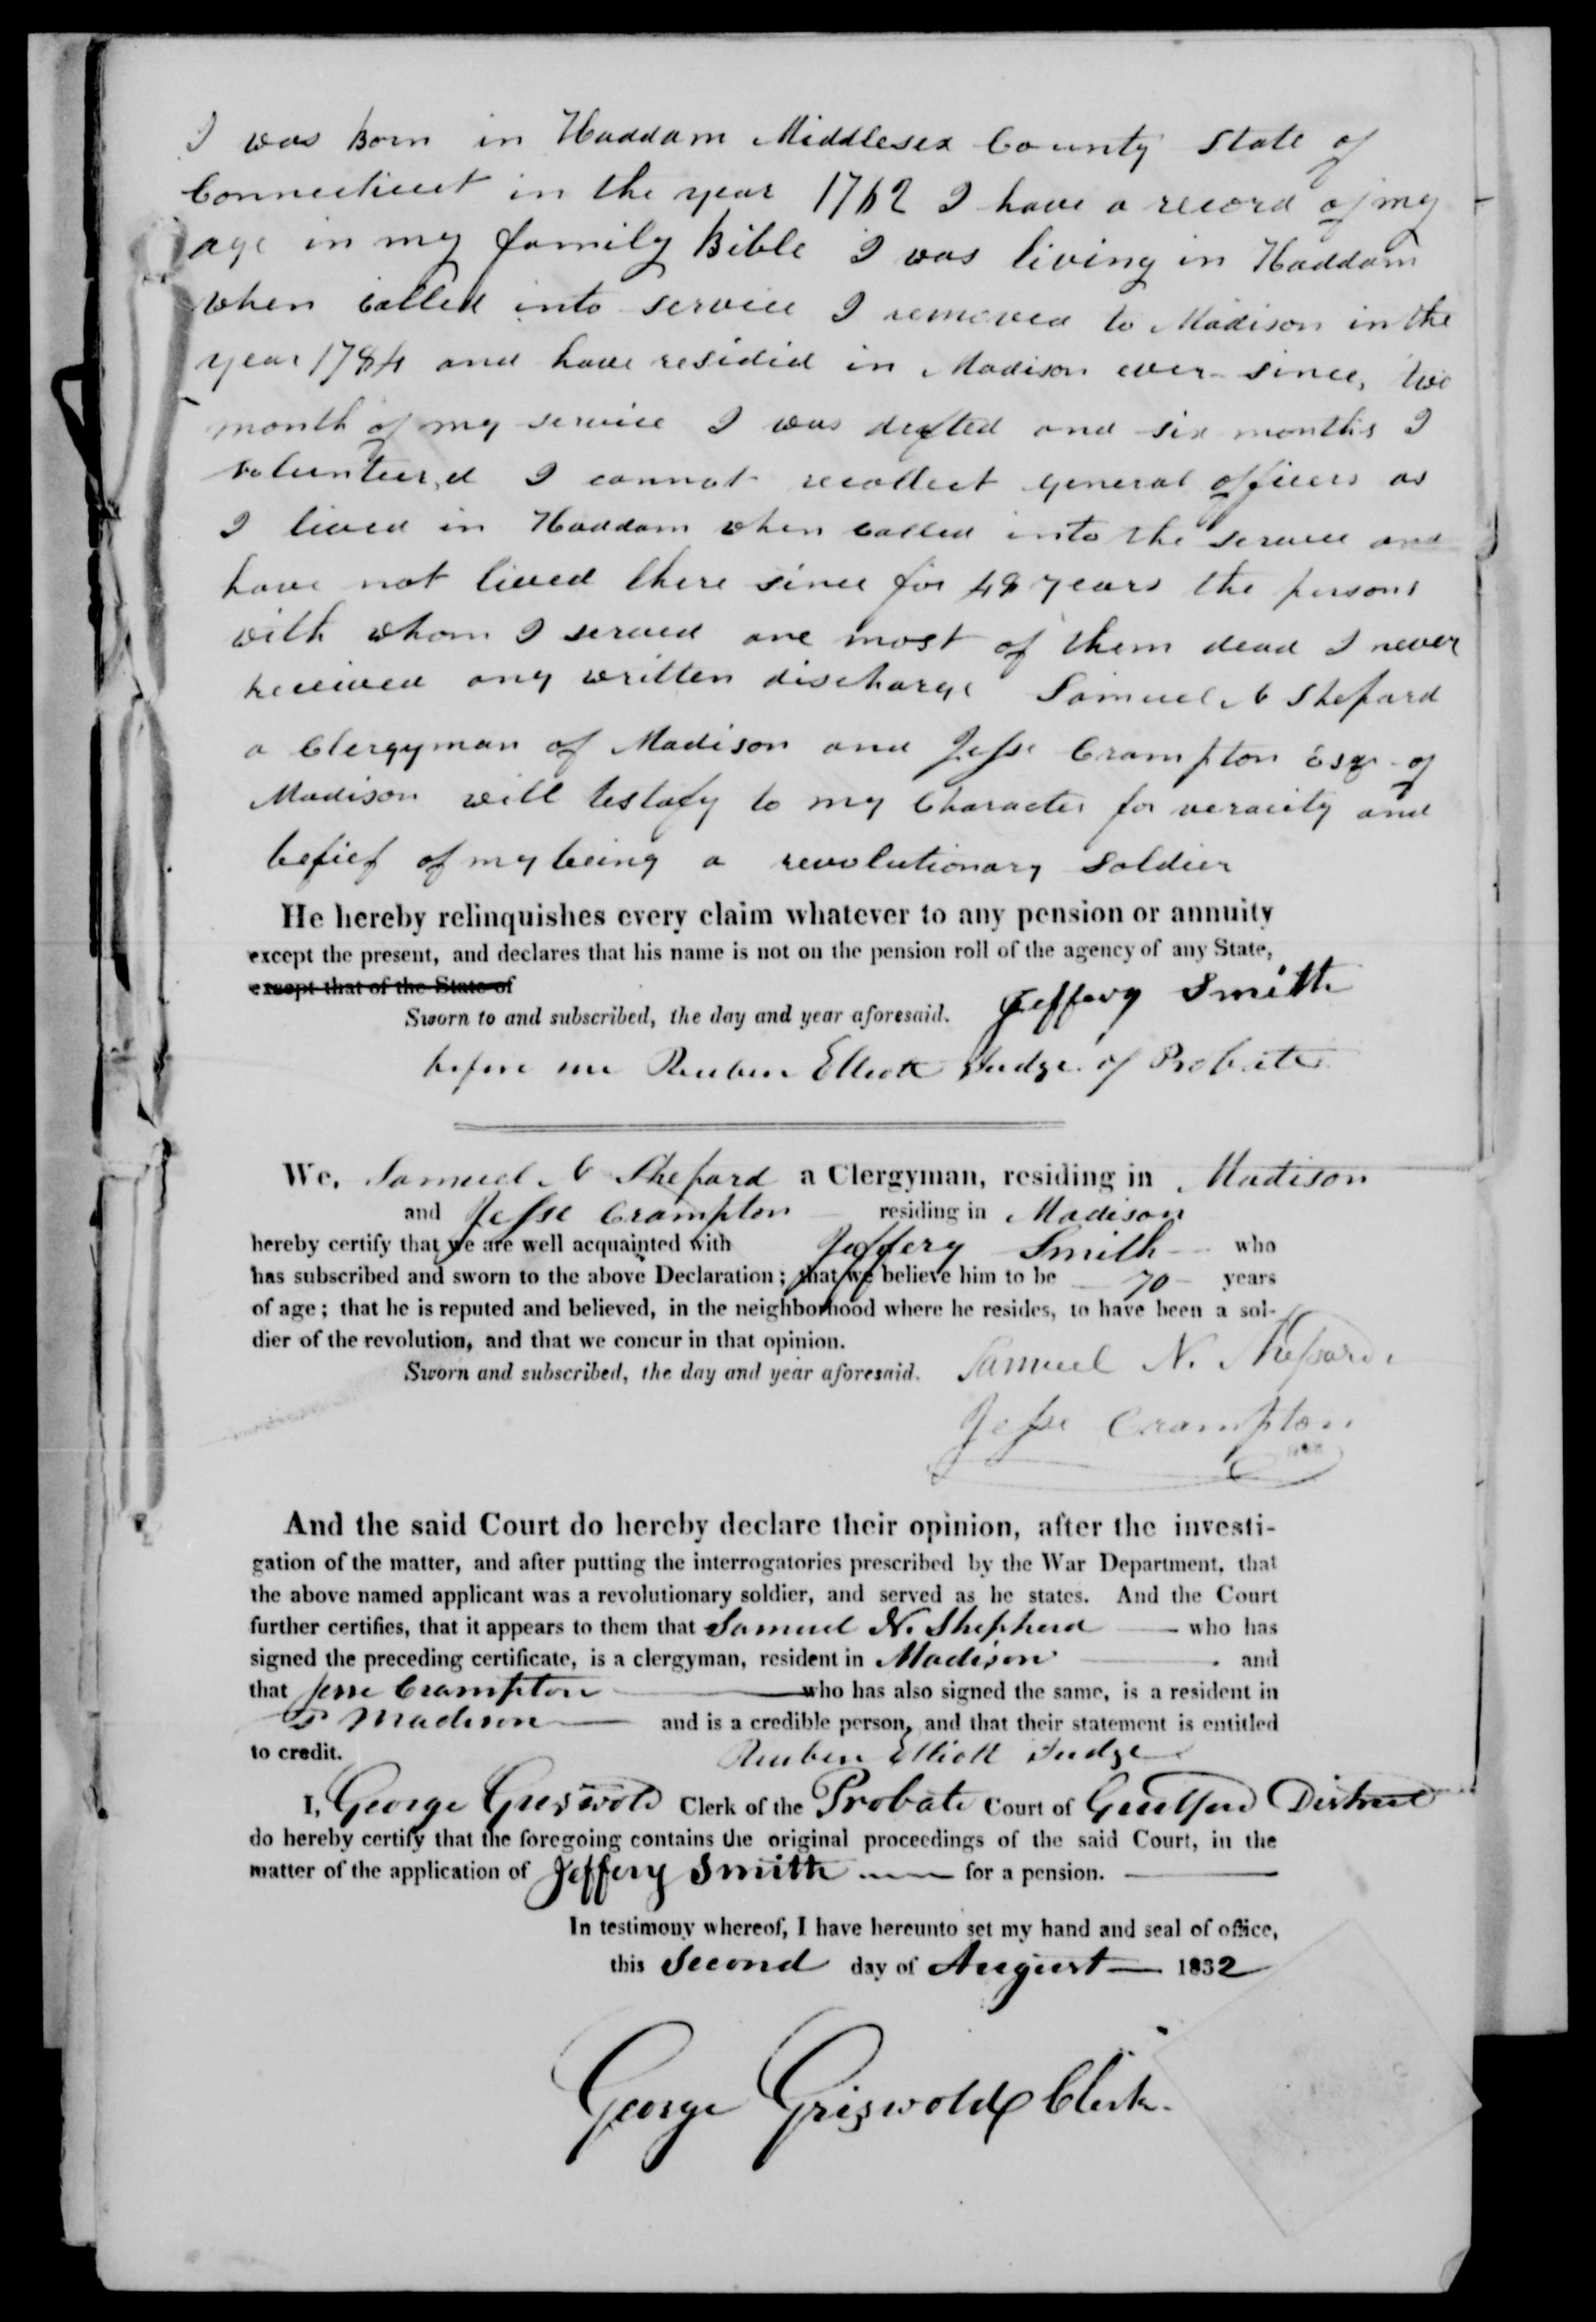I was born in Haddam Middlesex County State of Connecticut in the year 1762 I have a record of my age in my family Bible I was living in Haddam when called into service I removed to Madison in the year 1784 and have resided in Madison ever since, two month of my service I was drafted and six months I volunteered I cannot recollect general officers as I lived in Haddam when called into the service and
have not lived there since for 48 years the persons with whom I served are most of them dead I never received any written discharge Samuel C Shepard a Clergyman of Madison and Jesse Crampton Esq of Madison will testify to my character for veracity and belief of my being a revolutionary soldier

He hereby relinquishes every claim whatever to any pension or annuity except the present, and declares that his name is not on the pension roll of the agency of any State, [crossed out]except that of the State of

Sworn to and subscribed the day and year aforesaid Jeffery Smith
before me Reuben Elliott Judge of Probate

[line]
We, Samuel N Shepard a Clergyman residing in Madison and Jesse Crampton residing in Madison hereby certify that we are well acquainted with Jeffery Smith who
has subscribed and sworn to the above Declaration; that we believe him to be 70 years
of age; that he is reputed and believed, in the neighborhood where he resides, to have been a soldier of the revolution, and that we concur in that opinion.
Sworn and subscribed, the day and year aforesaid Samuel N.
Jesse Crompton

And the said Court do hereby declare their opinion, after the investigation of the matter, and after putting the interrogatories prescribed by the War Department, that the
above named applicant was a revolutionary soldier, and served as he states. And the Court
further certifies, that it appears to them that Samuel N. Shepherd who has signed the preceding certificate, is a clergyman, resident in Madison and that Jesse Crampton who has also signed the same, is a resident in Madison and is a credible person, and that their statement is entitled to credit.
Reuben Elliott Judge

I, George Griswold Clerk of the Probate Court of Guilford District do hereby certify that the foregoing contains the original proceedings of the said Court, in the matter of the application of Jeffery Smith for a pension.
 
In testimony whereof, I have hereunto set my hand and seal of office,
this second day of August 1832
George Griswold Clerk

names: Jesse Crampton; George Griswold; Reuben Elliott; Samuel N Shepard; Reuben Elliott; Samuel N Shepard; Samuel N Shepard; Jesse Crampton; Jeffery Smith; Samuel N Shepherd; Jeffery Smith; Jesse Crampton; George Griswold; Jeffery Smith; Jesse Crampton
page: 9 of 19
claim: survivor's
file: S. 16250, for Jeffery Smith, Connecticut